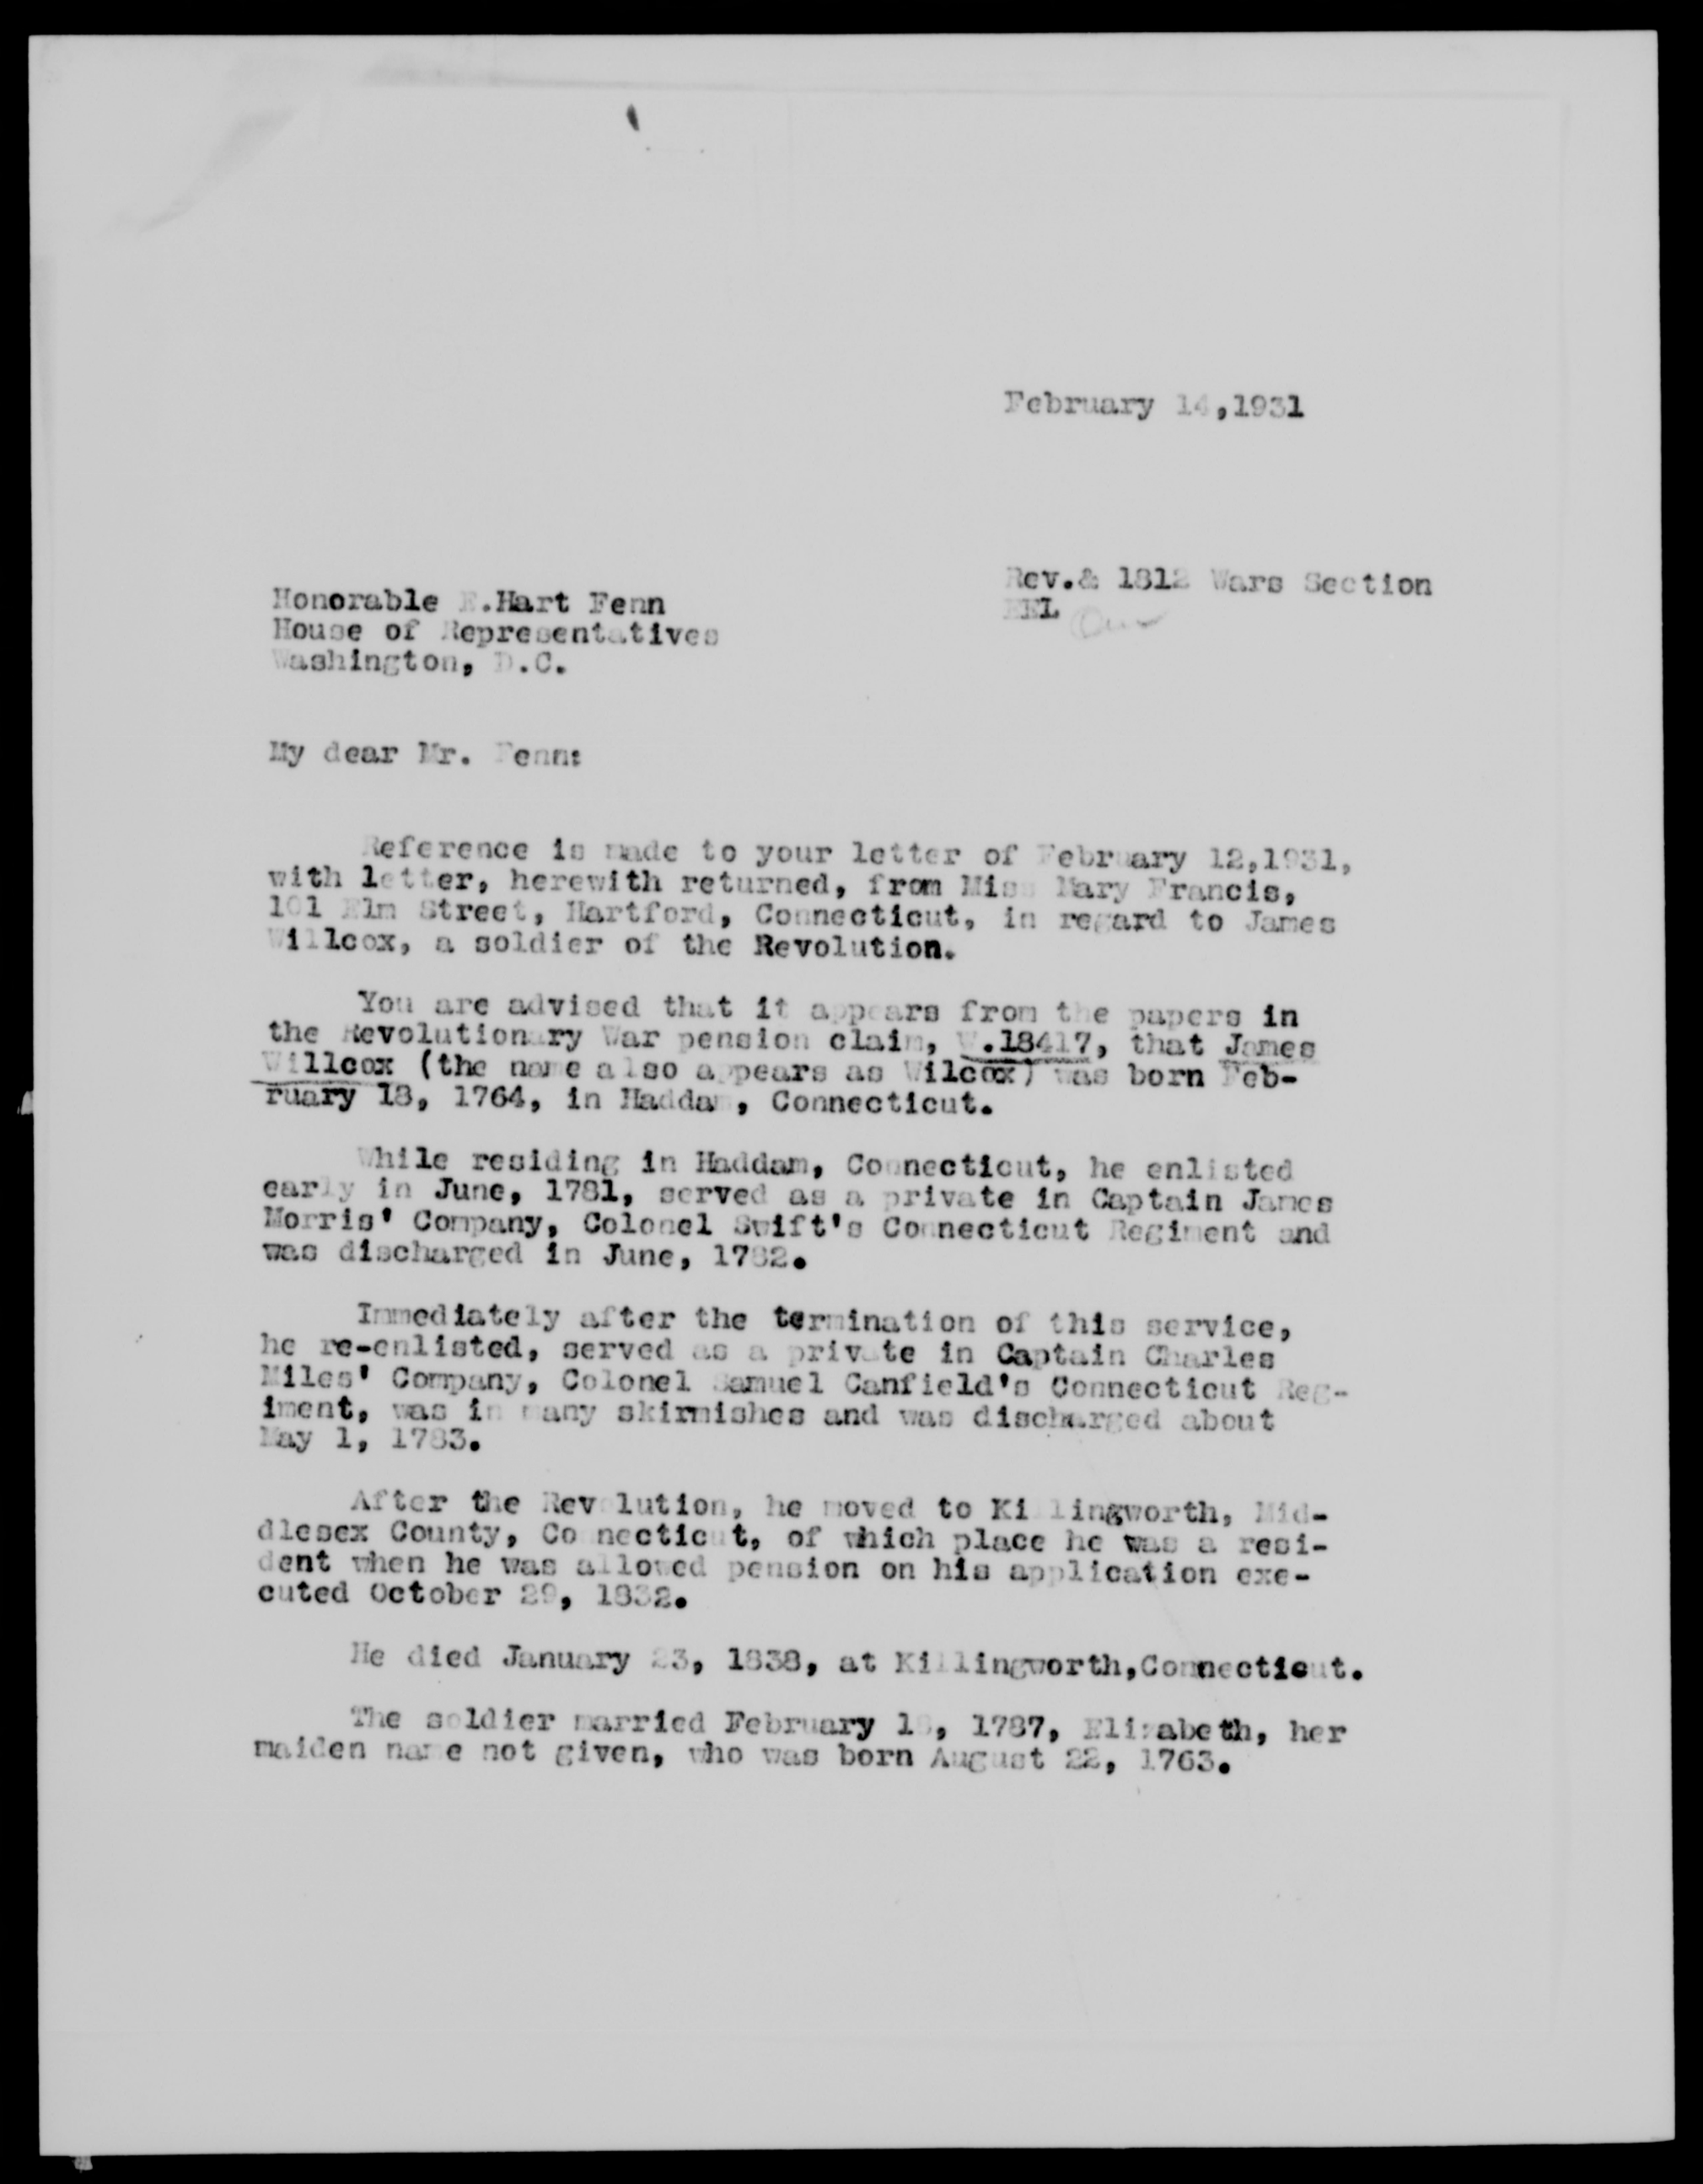February 14, 1931

Rev. & 1812 Wars Section
EEL  [   ]

Honorable E. Hart Fenn
House of Representatives
Washington, D. C.

My dear Mr. Fenn:

Reference is made to your letter of February 12, 1931, with letter, herewith returned, from Miss Mary Francis, 101 Elm Street, Hartford, Connecticut, in regard to James Willcox, a soldier of the Revolution.

You are advised that it appears from the papers in the Revolutionary War pension claim, W. 18417, that James Willcox (the name also appears as Wilcox) was born February 18, 1764, in Haddam, Connecticut.

While residing in Haddam, Connecticut, he enlisted early in June, 1781, served as a private in Captain James Morris' Company, Colonel Swift's Connecticut Regiment and was discharged in June, 1782.

Immediately after the  termination of this service, he re-enlisted, served as a private in Captain Charles Miles' Company, Colonel Samuel Canfield's Connecticut Regiment, was in many skirmishes and was discharged about May 1, 1783.

After the Revolution, he moved to Killingworth, Middlesex County, Connecticut, of which place he was a resident when he was allowed pension on his application executed October 29, 1832.

He died January 23, 1838, at Killingworth, Connecticut.

The soldier married February 18, 1787, Elizabeth, her maiden name not given, who was born August 22, 1763.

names: James Wilcox, Elizabeth, James Willcox, Mary Francis, E Hart Fenn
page: 28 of 46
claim: widow's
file: W. 18,417, James Willcox, Conn.